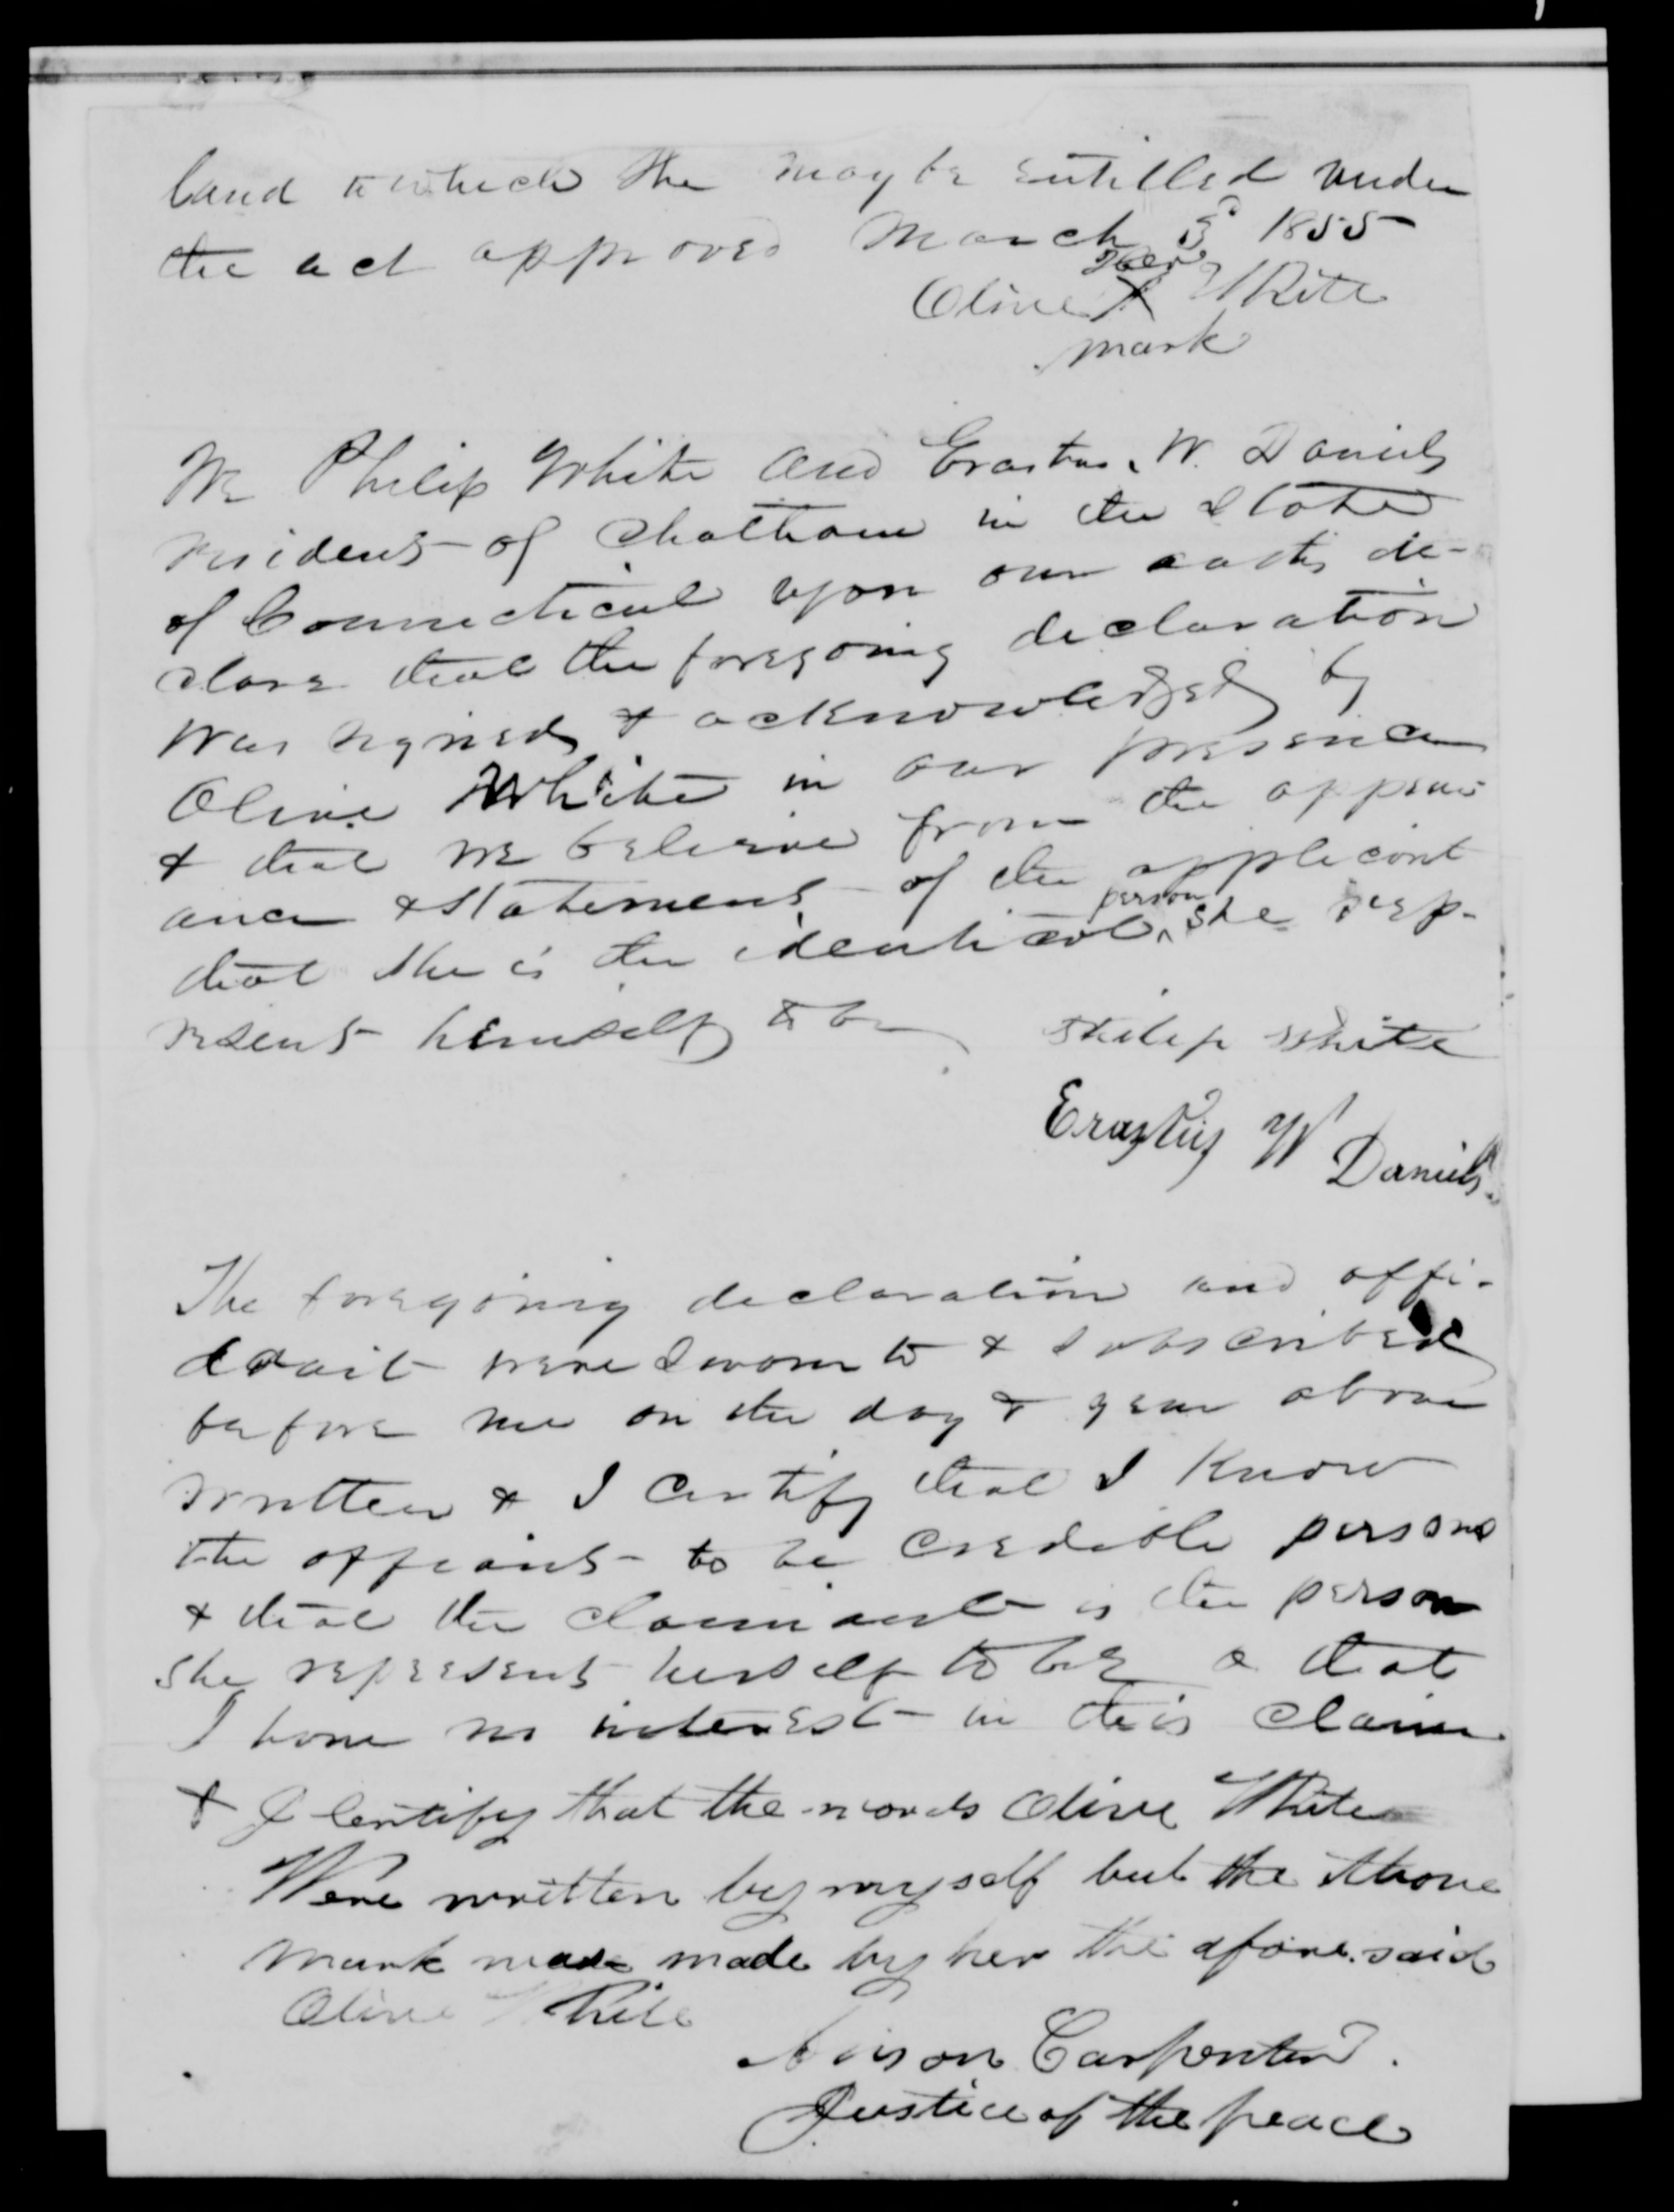land to which she may be entitled under the
act approved March 3 1855
Olive X her mark White

Mr Philip White and Erastus W. Daniel
Resident of Chatham in the State
of Connecticut upon our oaths declare
that the foregoing declaration
was signed & acknowledged by
Olive White in our presence
& that we believe from the appearance
& statement of the applicant
that she is the identical [inserted:] person she
represents herself to be.
Philip White
Erastus W Daniel

The foregoing declaration and affidavit
were sworn to & subscribed
before me on the day & year above
written & I certify that I know
the affiants-- to be credible persons
& that the claimant is the person
she represents herself to be & that
I have no interest in this claim.
I certify that the words Olive White
Were written by myself but the throne
mark made made by her the afore said
Olive White
Anson Carpenter
Justice of the peace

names: Olive White, Erastus W Daniel, Anson Carpenter, Philip White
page: 25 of 50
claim: widow's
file: W. 25,969, Philip White, Conn.